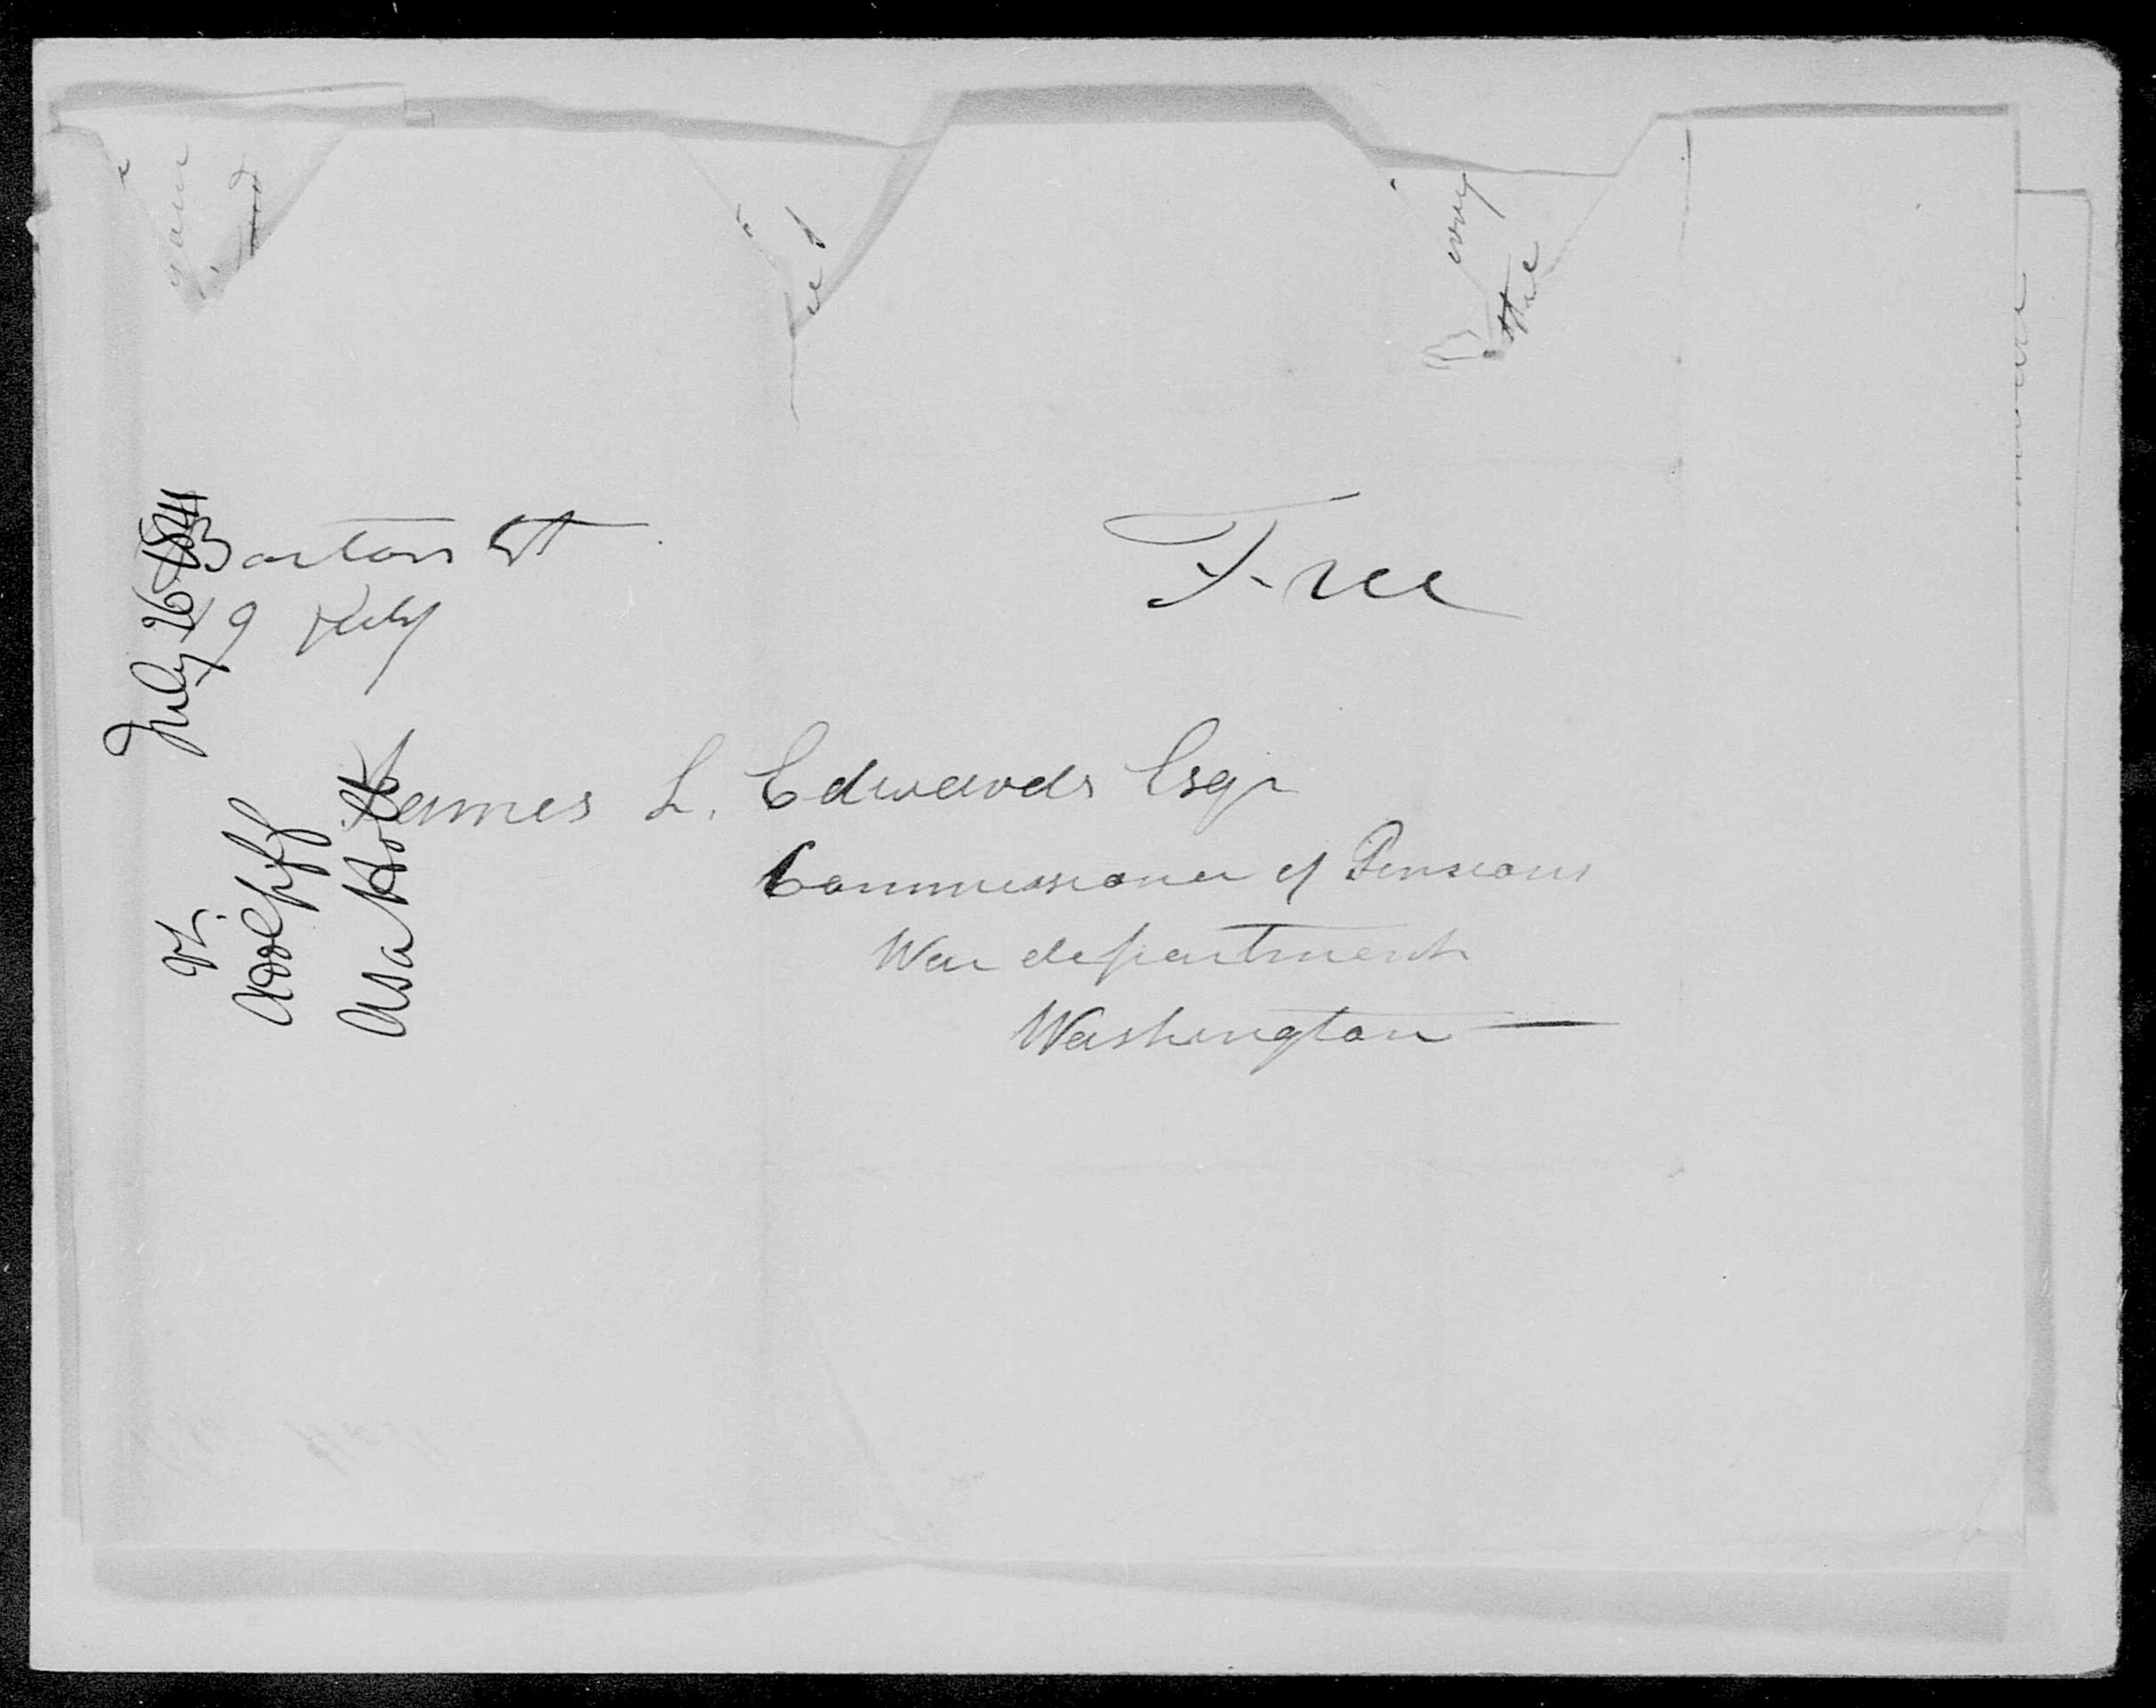James L. Edward Esq
Commissioner of Pensions
War department
Washington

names: James L Edwards, Asa Holt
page: 17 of 24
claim: rejected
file: R. 5180, Asa Holt, Mass. Vt.